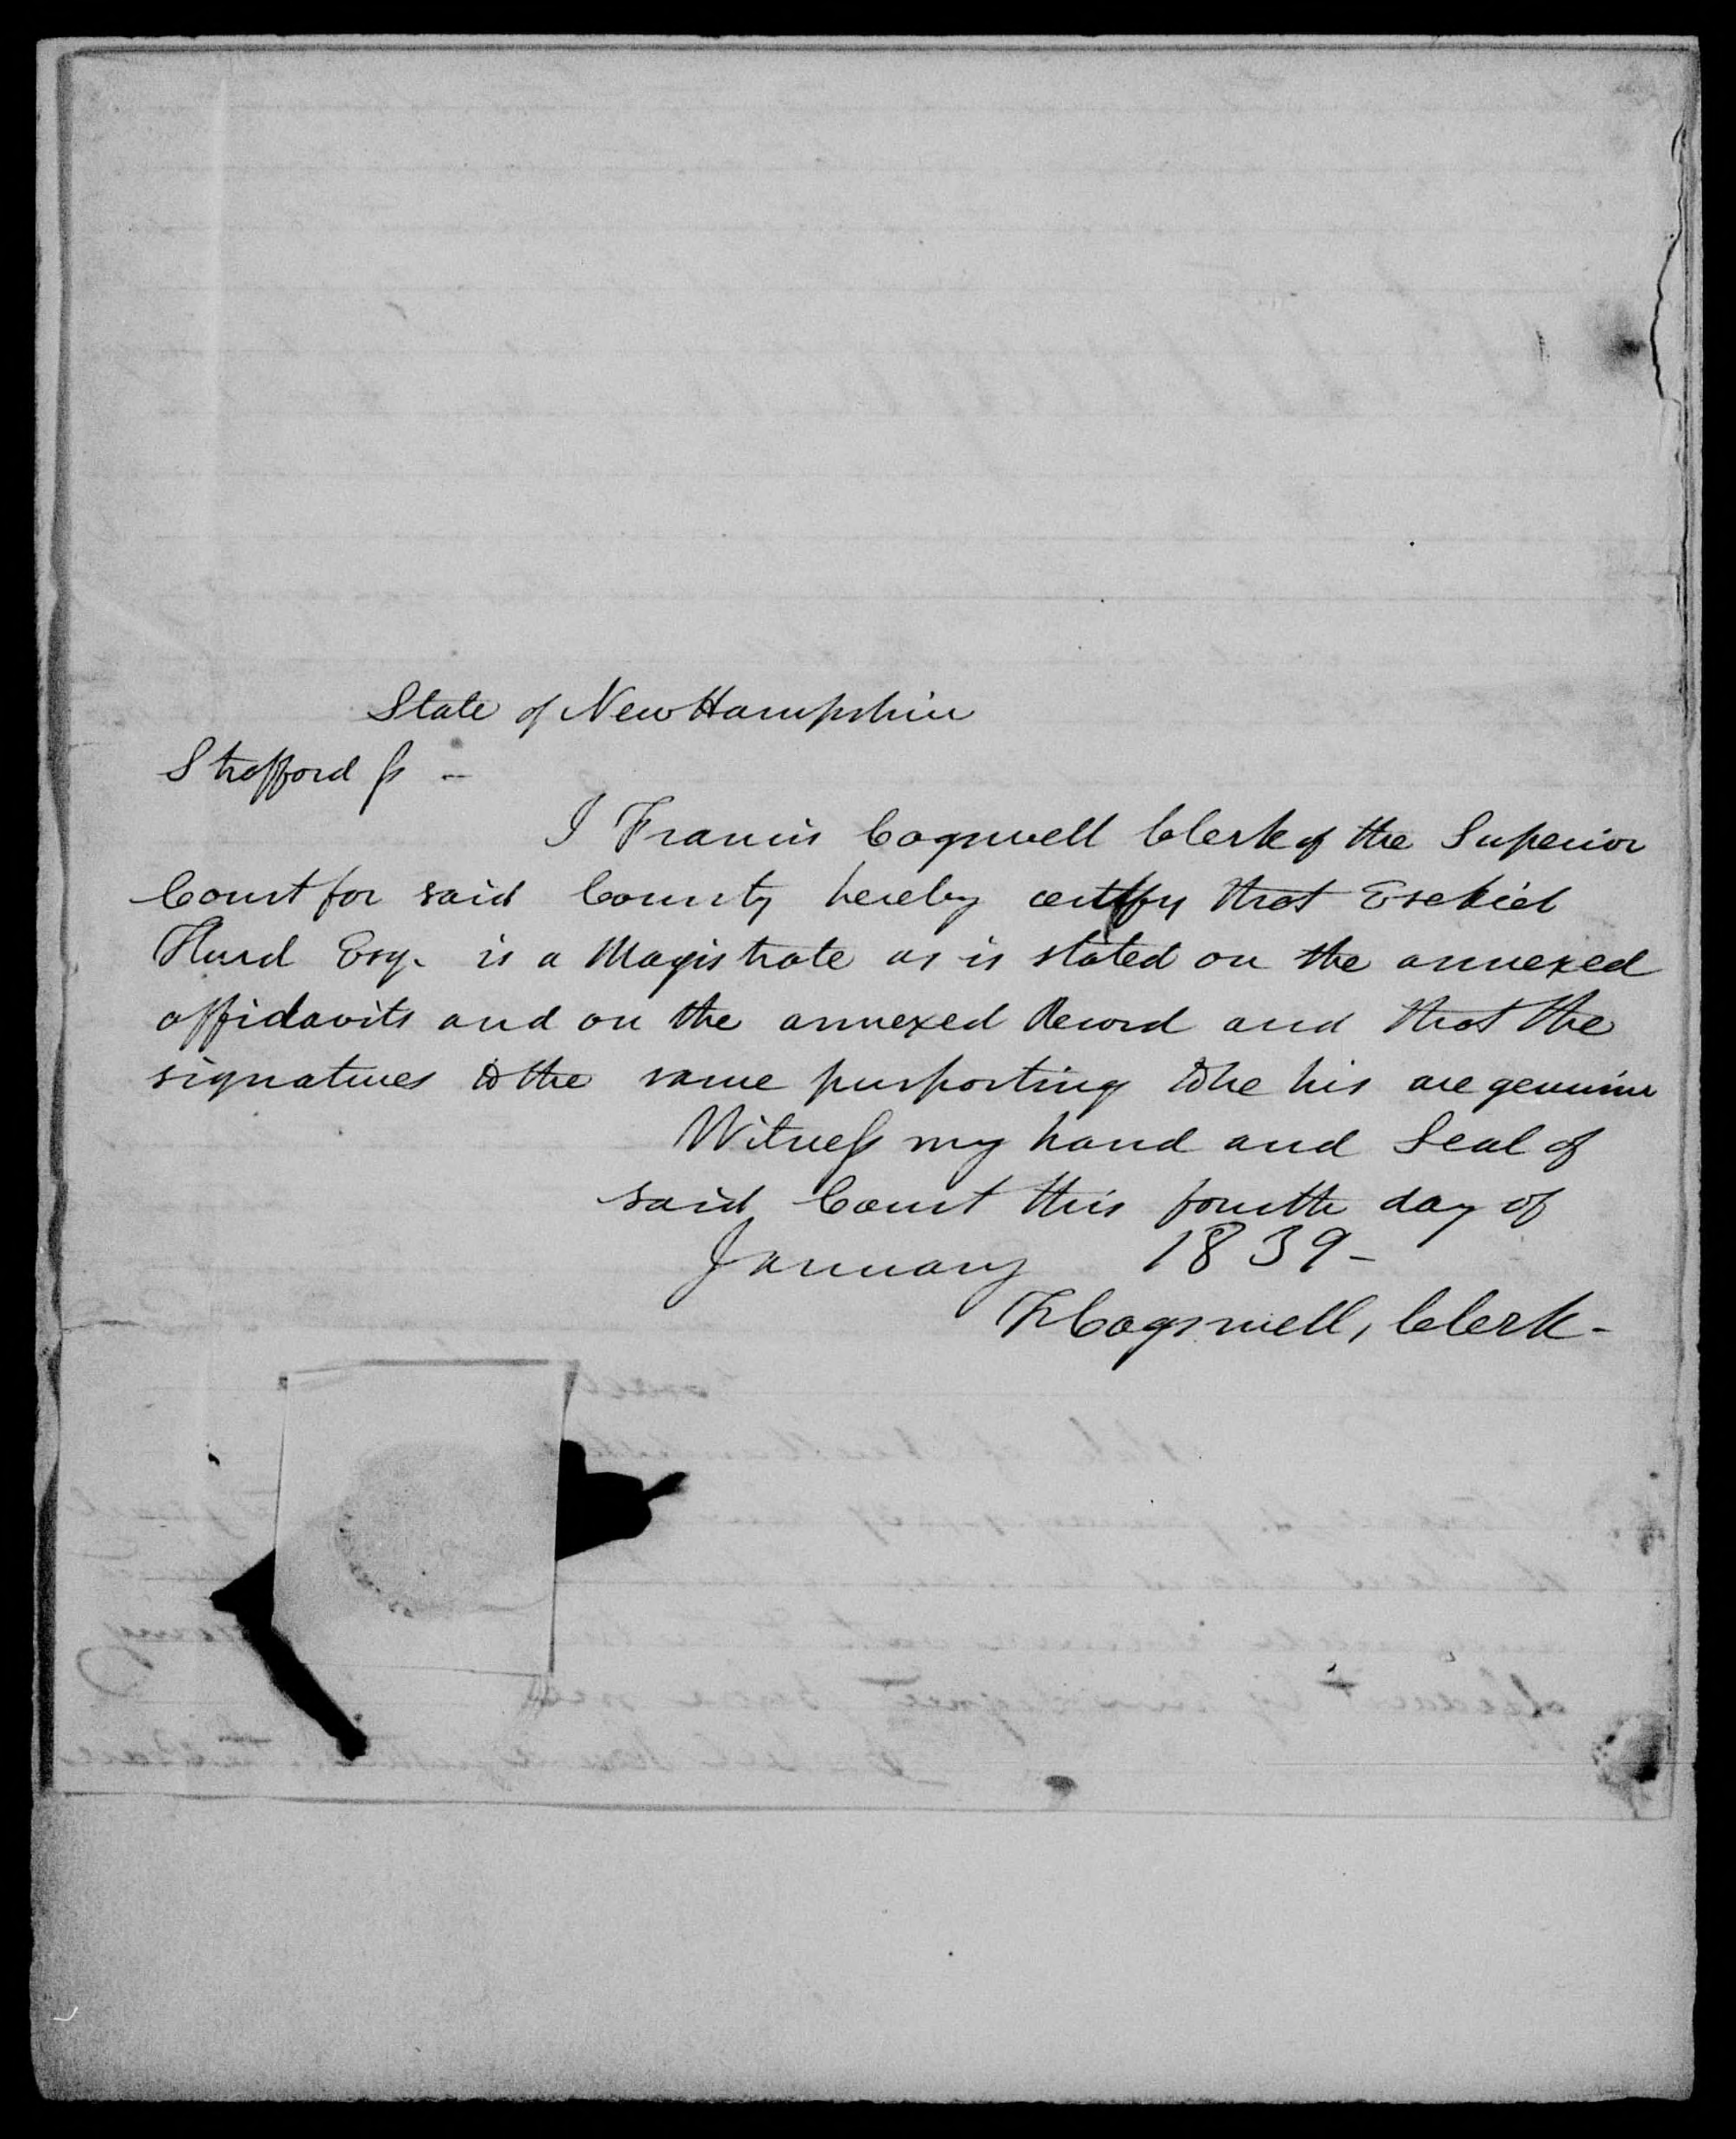State of New Hampshire
Strafford ss.

I Francis Cogswell clerk of the Superior Court for said County hereby certify that Ezekiel Hayes Esq. is a Magistrate as is stated on the annexed affidavits and on the annexed record and that the signature to the same purporting to be his is genuine.

Witness my hand and seal of said Court this fourth day of January 1838.
F. Cogswell clerk.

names: Ezekiel Hurd, Francis Cogswell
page: 11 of 35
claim: widow's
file: W. 16127, Israel Huckins, N.H.